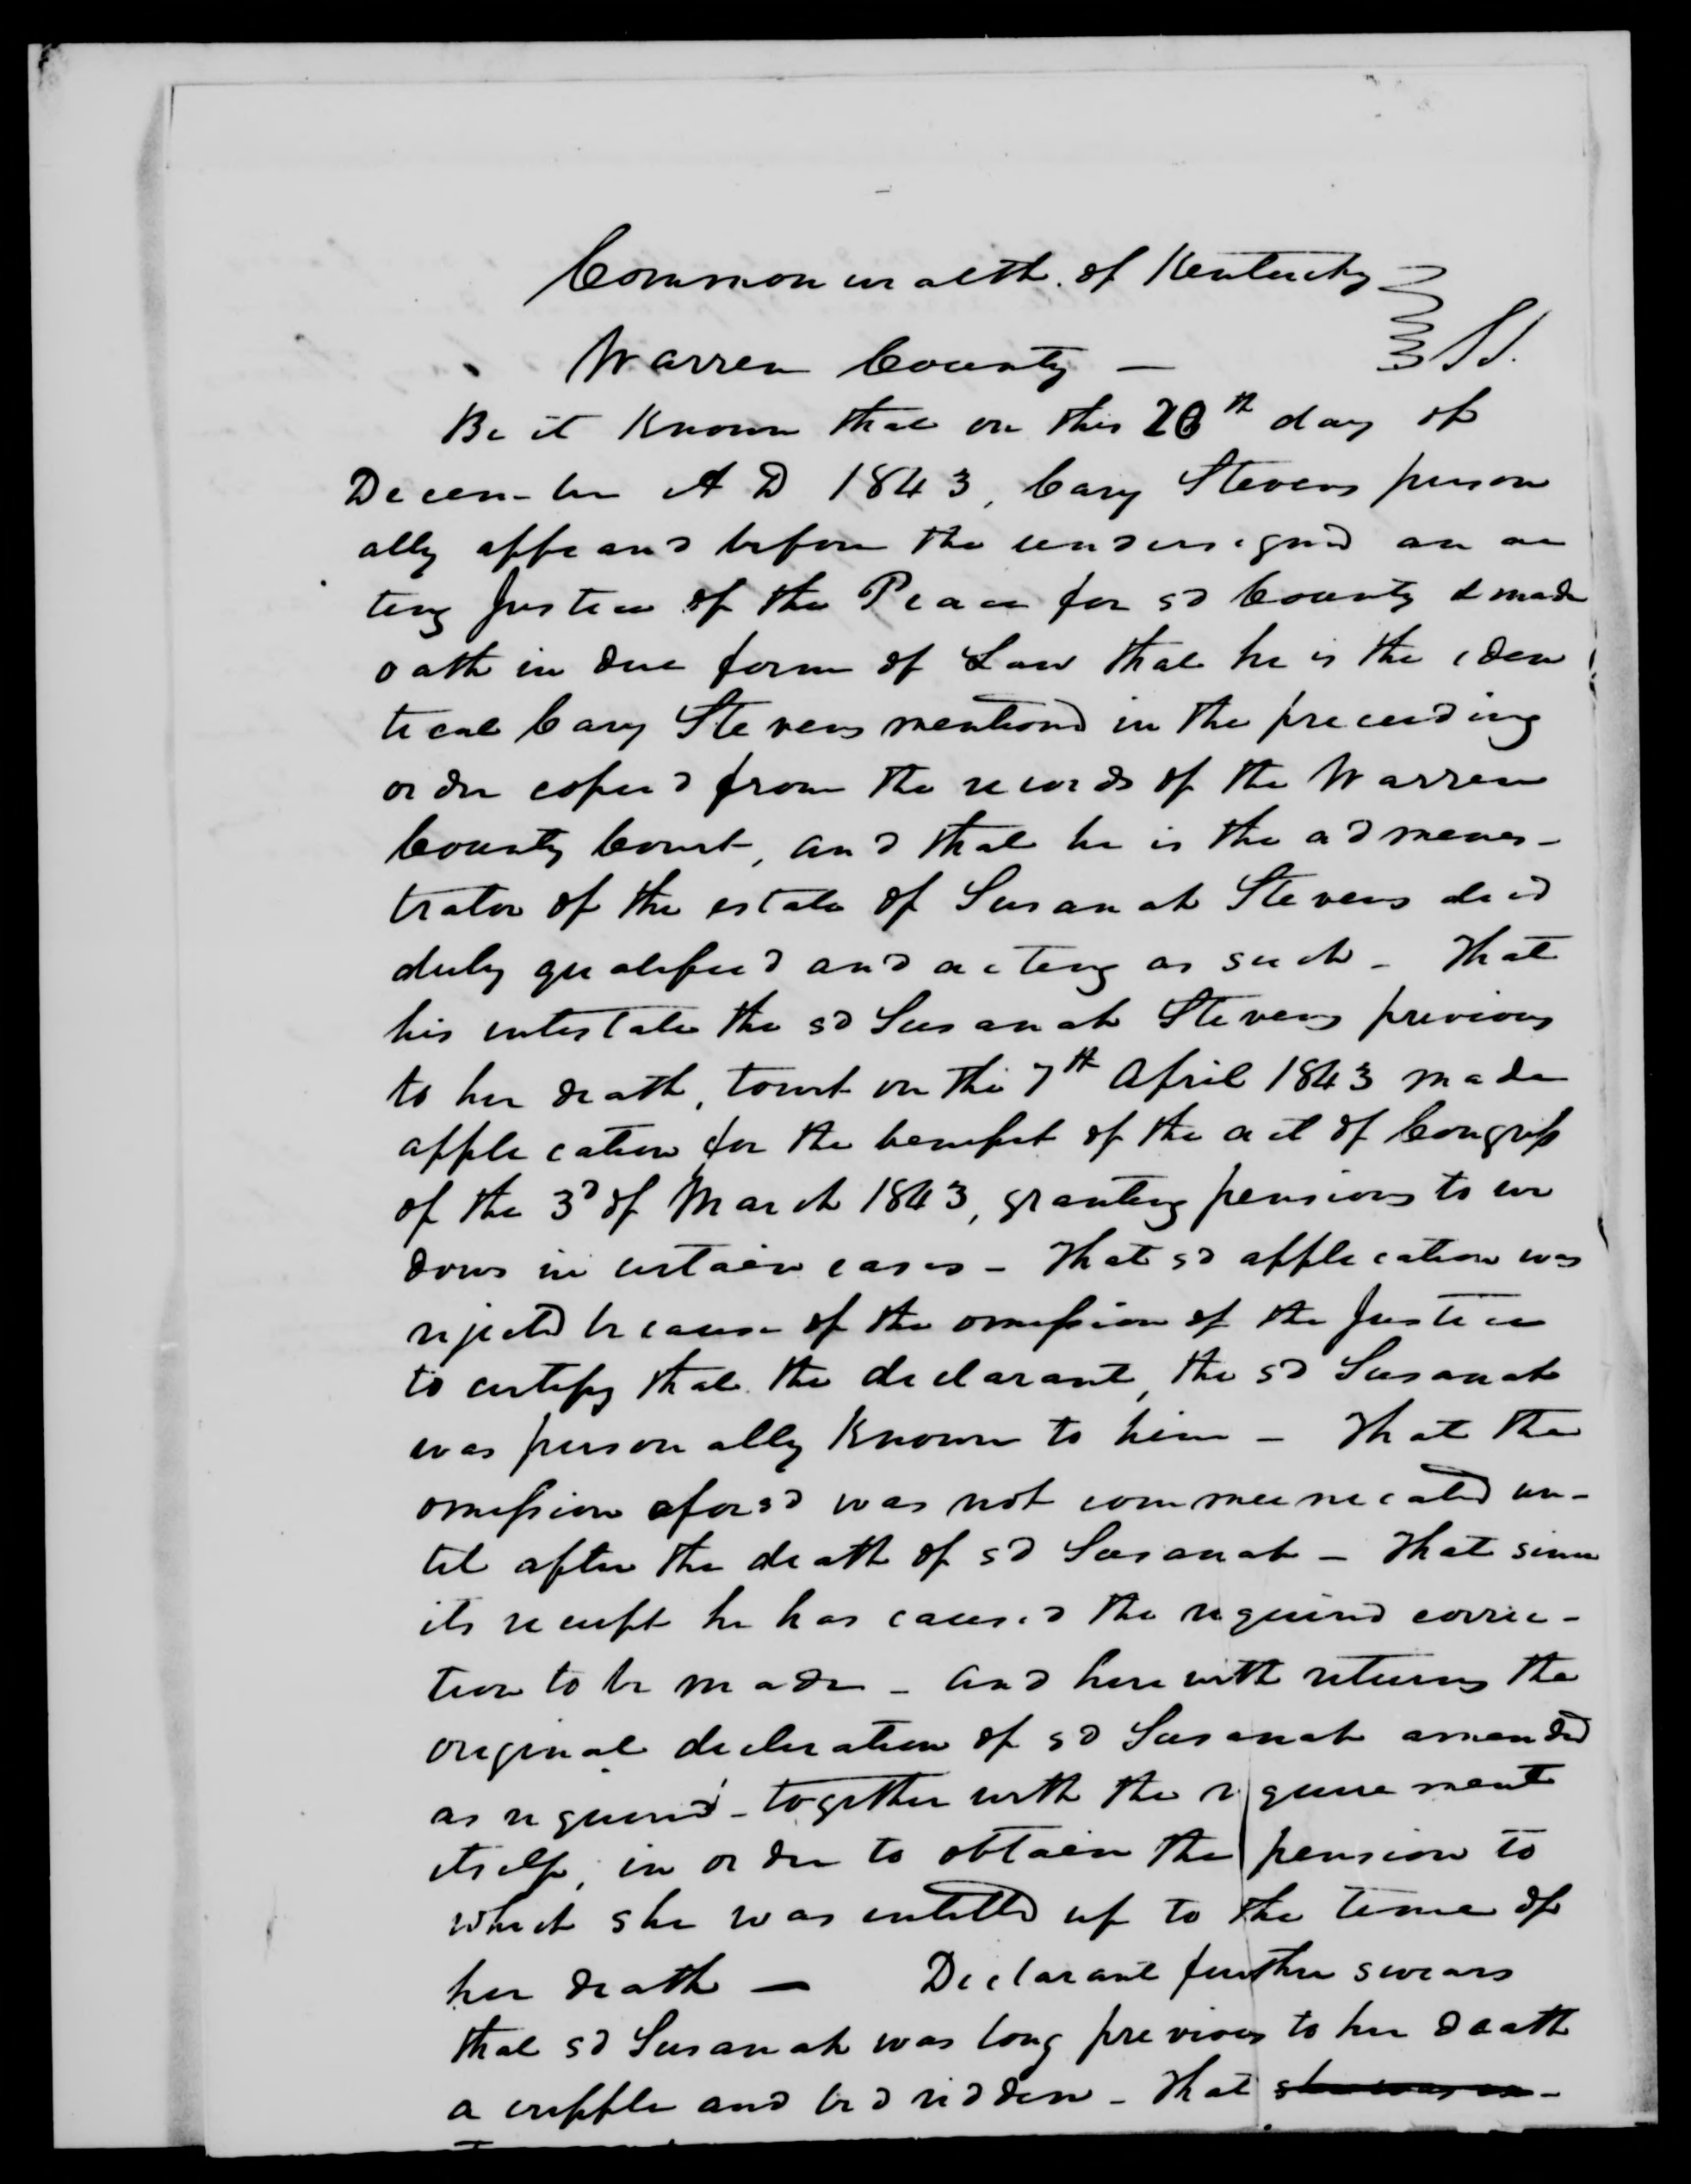Commonwealth of Kentucky
Warren County     SS
Be it known that on this 20th day of December A D 1843, Cary Stevens personally appeared before the undersigned an acting Justice of the Peace for sd County & made oath in due form of Law that he is the identical Cary Stevens mentioned in the preceeding order copied from the records of the Warren County Court, and that he is the admeartrator of the estate of Susanah Stevens decd duly qualified and acting as such. That his intert [illegible] the sd Susanah Stevens previous to her death, tourt on the 7th April 1843 made application for the benefit of the act of Congress of the 3d of March 1843, granting pensions to widows in certain cases - That sd application was rejected because of the omission of the Justices to certify that the declarant, the sd Susanah was personally known to him - that the omission afords was not communicated until after the death of sd Susanah - That since its [illegible] he has caused the required correction to be made - and here with returns the original declaration of sd Susanah amended as required - together with the requirement itself, in order to obtain the pension to which she was intitled of to the time of her death - Declarant further swears that sd Susanah was long previous to her death a cripple and bedridden - that [words crossed out and last line cut off of image]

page: 88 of 99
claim: widow's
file: W 8766, for James Stevens, Virginia